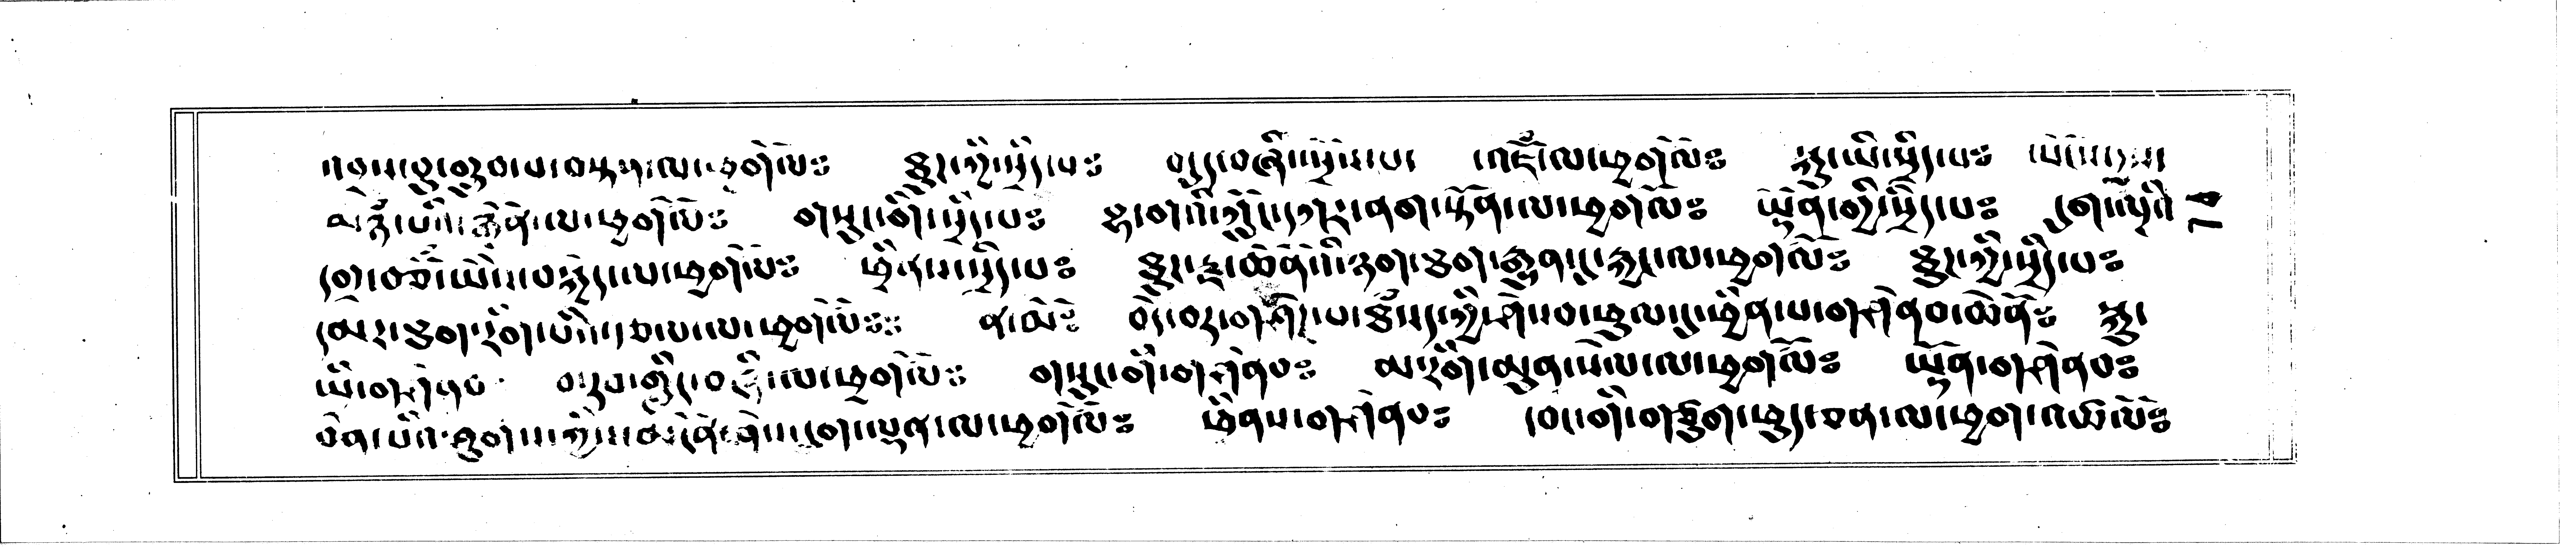འབྲས་བུ་གྲུབ་པ་བསྟན་ལ་ཕྱག་འཚལ་ལོཿ ཐུགས་ཀྱི་སྲིད་པཿ བདུད་བཞི་སྤྲོས་མཐའ་འཇོམས་ལ་ཕྱག་འཚལ་ལོཿ སྐུ་ཡི་སྲིད་པཿ ཡོངས་རྒྱས་
མཉམ་པའི་སྒྲོན་ལ་ཕྱག་འཚལ་ལོཿ གསུང་གི་སྲིད་པཿ བྷ་གའི་ཀློང་དཀར་ནག་སྟོན་ལ་ཕྱག་འཚལ་ལོཿ ཡོན་ཏན་གྱི་སྲིད་པཿ དུག་ལྔའི་
དགྲ་བཅོམ་ཡེ་ཤེས་བསྐྱེད་ལ་ཕྱག་འཚལ་ལོཿ ཕྲིན་ལས་ཀྱི་སྲིད་པཿ ཐུགས་རྗེ་ཆེན་པོས་ཉག་ཐག་རྒྱུན་དུ་སྐྱོང་ལ་ཕྱག་འཚལ་ལོཿ ཐུགས་ཀྱི་སྲིད་པཿ 
དམར་ཐག་རིག་པའི་རྩལ་ལ་ཕྱག་འཚལ་ལོཿ ན་མོ་བདེ་བར་གཤེགས་པ་ཐམས་ཅད་ཀྱི་ཤེས་རབ་ཕུལ་ཏུ་ཕྱིན་པའི་གཤེན་རབ་ཆེན་པོཿ སྐུ་
ཡི་གཤེན་རབཿ བ་རབ་གླིང་གཞི་ལ་ཕྱག་འཚལ་ལོཿ གསུང་གི་གཤེན་རབཿ མ་རིག་མུན་སེལ་ལ་ཕྱག་འཚལ་ལོཿ ཡོན་ཏན་གྱི་གཤེན་རབཿ 
བདེན་པའི་ཤུགས་ཀྱིས་མངོན་པར་ཤེས་པ་དྲུག་ལྡན་ལ་ཕྱག་འཚལ་ལོཿ ཕྲིན་ལས་ཀྱི་གཤེན་རབཿ དབང་གི་གཙུག་ཕུད་ཅན་ལ་ཕྱག་འཚལ་ལོཿ